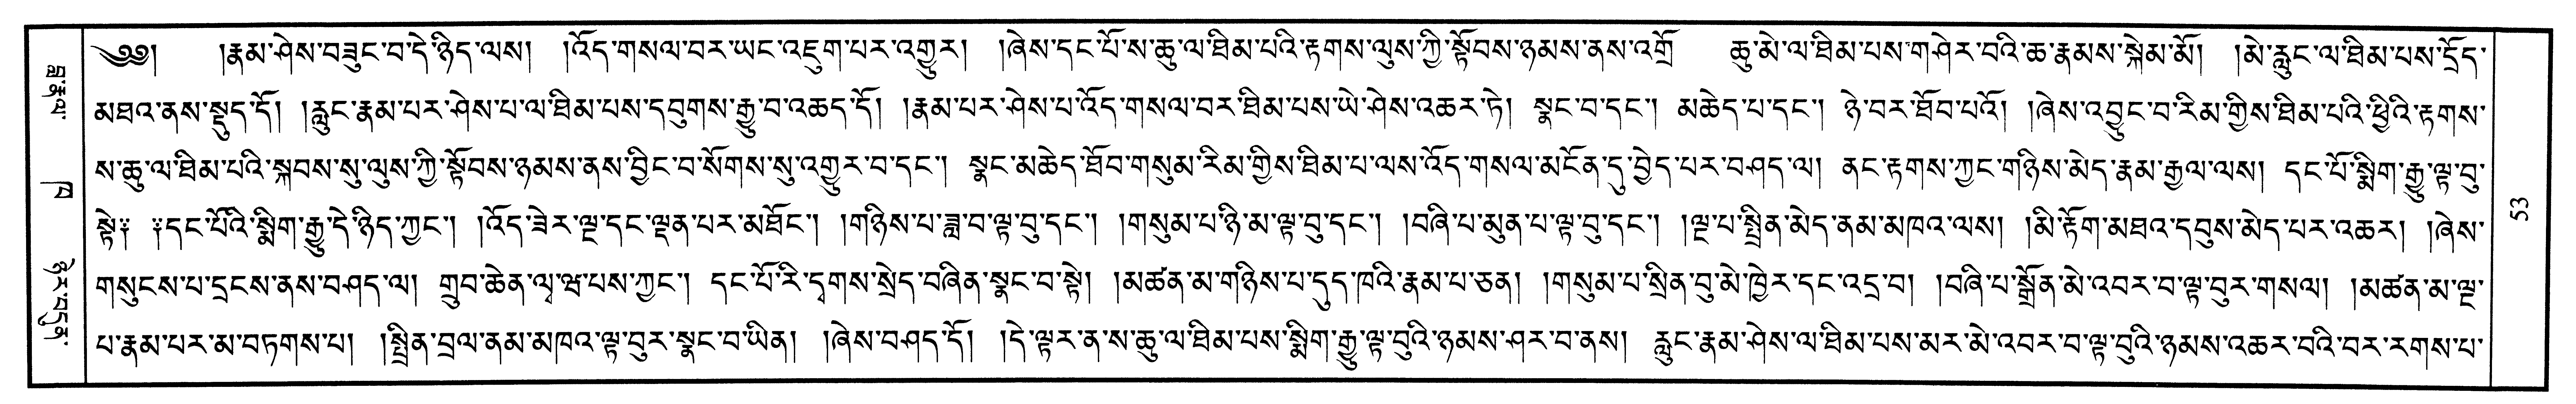༄༅། །རྣམ་ཤེས་བཟུང་བ་དེ་ཉིད་ལས། །འོད་གསལ་བར་ཡང་འཇུག་པར་འགྱུར། །ཞེས་དང་པོ་ས་ཆུ་ལ་ཐིམ་པའི་རྟགས་ལུས་ཀྱི་སྟོབས་ཉམས་ནས་འགྲོ་།ཆུ་མེ་ལ་ཐིམ་པས་གཤེར་བའི་ཆ་རྣམས་སྐེམ་མོ། །མེ་རླུང་ལ་ཐིམ་པས་དྲོད་
མཐའ་ནས་སྡུད་དོ། །རླུང་རྣམ་པར་ཤེས་པ་ལ་ཐིམ་པས་དབུགས་རྒྱུ་བ་འཆད་དོ། །རྣམ་པར་ཤེས་པ་འོད་གསལ་བར་ཐིམ་པས་ཡེ་ཤེས་འཆར་ཏེ། སྣང་བ་དང་། མཆེད་པ་དང་། ཉེ་བར་ཐོབ་པའོ། །ཞེས་འབྱུང་བ་རིམ་གྱིས་ཐིམ་པའི་ཕྱིའི་རྟགས་
ས་ཆུ་ལ་ཐིམ་པའི་སྐབས་སུ་ལུས་ཀྱི་སྟོབས་ཉམས་ནས་བྱིང་བ་སོགས་སུ་འགྱུར་བ་དང་། སྣང་མཆེད་ཐོབ་གསུམ་རིམ་གྱིས་ཐིམ་པ་ལས་འོད་གསལ་མངོན་དུ་བྱེད་པར་བཤད་ལ། ནང་རྟགས་ཀྱང་གཉིས་མེད་རྣམ་རྒྱལ་ལས། དང་པོ་སྨིག་རྒྱུ་ལྟ་བུ་
སྟེ༑ ༑དང་པོའི་སྨིག་རྒྱུ་དེ་ཉིད་ཀྱང་། །འོད་ཟེར་ལྔ་དང་ལྡན་པར་མཐོང་། །གཉིས་པ་ཟླ་བ་ལྟ་བུ་དང་། །གསུམ་པ་ཉི་མ་ལྟ་བུ་དང་། །བཞི་པ་མུན་པ་ལྟ་བུ་དང་། །ལྔ་པ་སྤྲིན་མེད་ནམ་མཁའ་ལས། །མི་རྟོག་མཐའ་དབུས་མེད་པར་འཆར། །ཞེས་
གསུངས་པ་དྲངས་ནས་བཤད་ལ། གྲུབ་ཆེན་ལྭ་ཝ་པས་ཀྱང་། དང་པོ་རི་དྭགས་སྲེད་བཞིན་སྣང་བ་སྟེ། །མཚན་མ་གཉིས་པ་དུད་ཁའི་རྣམ་པ་ཅན། །གསུམ་པ་སྲིན་བུ་མེ་ཁྱེར་དང་འདྲ་བ། །བཞི་པ་སྒྲོན་མེ་འབར་བ་ལྟ་བུར་གསལ། །མཚན་མ་ལྔ་
པ་རྣམ་པར་མ་བཏགས་པ། །སྤྲིན་བྲལ་ནམ་མཁའ་ལྟ་བུར་སྣང་བ་ཡིན། །ཞེས་བཤད་དོ། །དེ་ལྟར་ན་ས་ཆུ་ལ་ཐིམ་པས་སྨིག་རྒྱུ་ལྟ་བུའི་ཉམས་ཤར་བ་ནས། རླུང་རྣམ་ཤེས་ལ་ཐིམ་པས་མར་མེ་འབར་བ་ལྟ་བུའི་ཉམས་འཆར་བའི་བར་རགས་པ་